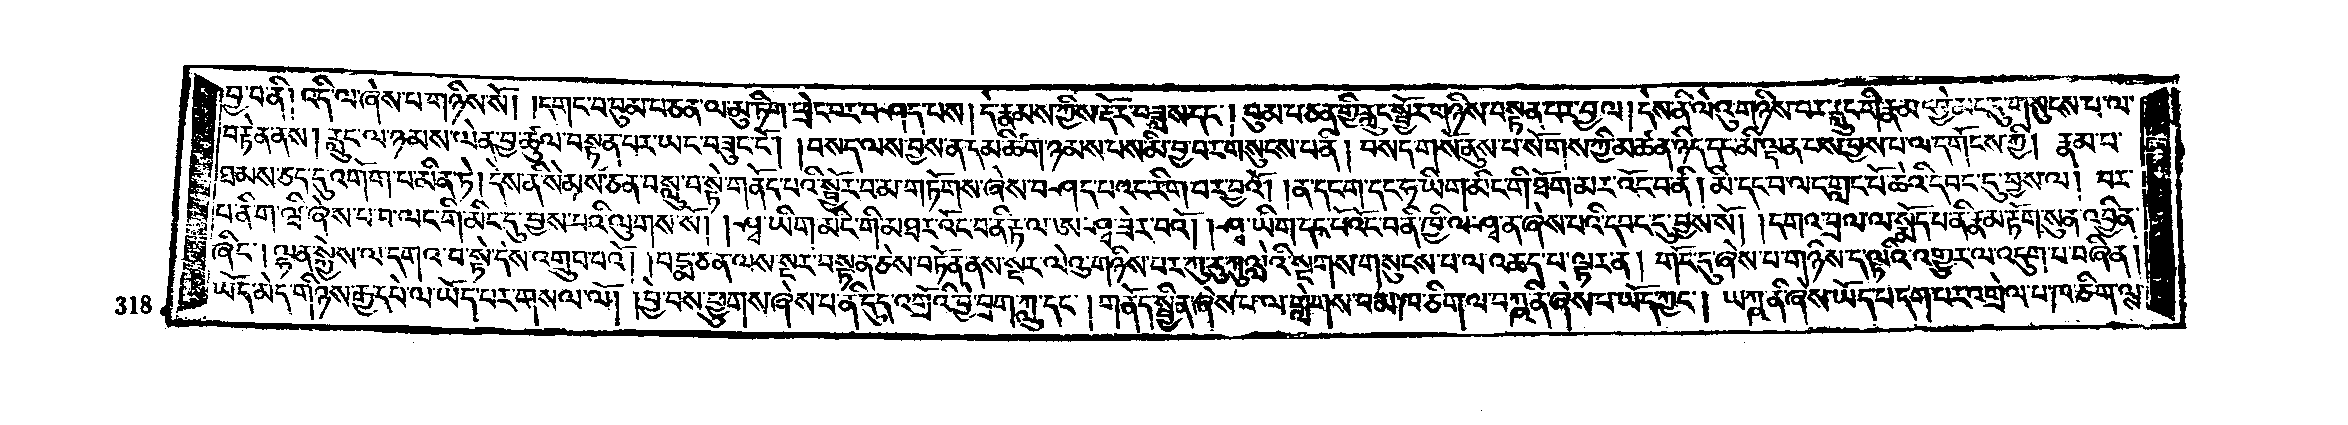བྱ་བ་ནི། འདི་ལ་ཞེས་པ་གཉིས་སོ། །དགང་བ་བུམ་པ་ཅན་ལ་མུ་ཏིག་ཕྲེང་བར་བཤད་པས། དེ་རྣམས་ཀྱིས་རྡོར་བཟླས་དང་། བུམ་པ་ཅན་གྱི་རླུང་སྦྱོར་གཉིས་བསྟན་པར་བྱ་ལ། དེས་ནི་ལེའུ་གཉིས་པར་རླུང་གི་རྣམ་དབྱེ་མང་དུ་གསུངས་པ་ལ་
བརྟེན་ནས། རླུང་ལ་ཉམས་ལེན་བྱ་ཚུལ་བསྟན་པར་ཡང་བཟུང་ངོ། །བསད་ལས་བྱས་ན་དམ་ཚིག་ཉམས་པས་མི་བྱ་བར་གསུངས་པ་ནི། བསད་གསོ་ནུས་པ་སོགས་ཀྱི་མཚན་ཉིད་དང་མི་ལྡན་པས་བྱས་པ་ལ་དགོངས་ཀྱི། རྣམ་པ་
ཐམས་ཅད་དུ་འགོག་པ་མིན་ཏེ། དེས་ནི་སེམས་ཅན་བསླུ་བ་སྟེ་གནོད་པའི་སྦྱོར་བ་མ་གཏོགས་ཞེས་བཤད་པའང་རིག་པར་བྱའོ། །ན་དང་ག་དང་ཧ་ཡིག་མིང་གི་ཐོག་མར་འོང་བ་ནི། མི་དང་བ་ལང་གླང་པོ་ཆེའི་དབང་དུ་བྱས་ལ། བར་
པ་ནི་ག་ཝི་ཞེས་པ་བ་ལང་གི་མིང་དུ་བྱས་པའི་ལུགས་སོ། །ཤྭ་ཡིག་མིང་གི་མཐར་འོང་བ་ནི་རྟ་ལ་ཨ་ཤྭ་ཟེར་བའོ། །ཤྭ་ཡིག་དང་པོ་འོང་བ་ནི་ཁྱི་ལ་ཤྭ་ན་ཞེས་པའི་དབང་དུ་བྱས་སོ། །དགའ་བྲལ་ལ་སྨོད་པ་ནི་རྣམ་རྟོག་སུན་འབྱིན་
ཞིང་། ལྷན་སྐྱེས་ལ་དགའ་བ་སྟེ་དེས་འགྲུབ་པའོ། །པདམ་ཅན་ལས་སྔར་བསྟན་ཅེས་བཏོན་ནས་སྔར་ལེའུ་གཉིས་པར་ཀུ་རུ་ཀུ་ལླེའི་སྔགས་གསུངས་པ་ལ་འཆད་པ་ལྟར་ན། གོང་དུ་ཞེས་པ་གཉིས་ད་ལྟའི་འགྱུར་ལ་འདུག་པ་བཞིན།
ཡོད་མེད་གཉིས་རྒྱ་དཔེ་ལ་ཡོད་པར་གསལ་ལོ། །བྱེ་བས་ཕྱུགས་ཞེས་པ་ནི་དུད་འགྲོའི་བྱེ་བྲག་ཀླུ་དང་། གནོད་སྦྱིན་ཞེས་པ་ལ་གླེགས་བམ་ཁ་ཅིག་ལ་བཀྵ་ནི་ཞེས་པ་ཡོད་ཀྱང་། ཡཀྵ་ནི་ཞེས་ཡོད་པ་དག་པར་འགྲེལ་པ་ཁ་ཅིག་ལས་